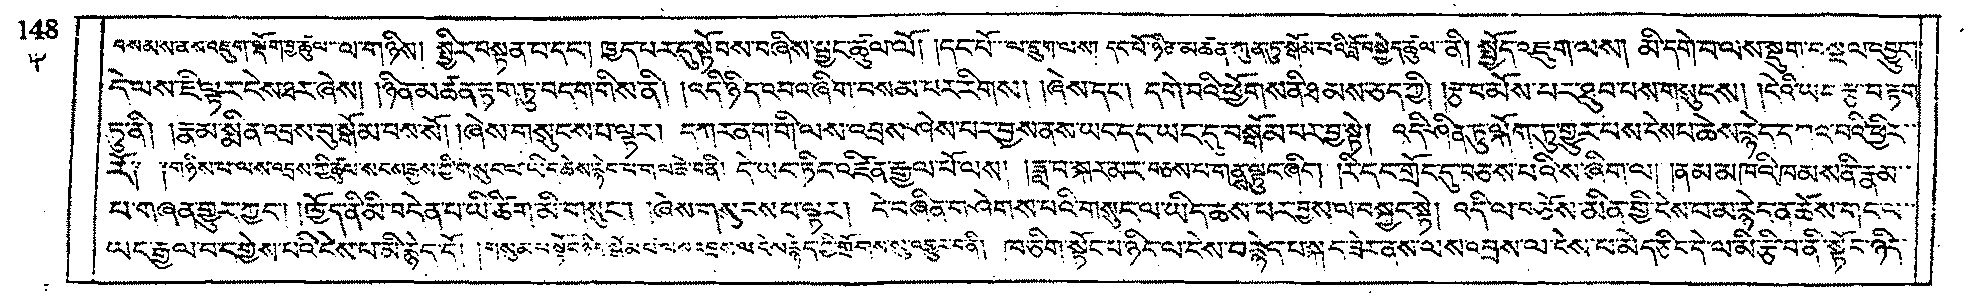བསམས་ནས་འཇུག་ལྡོག་བྱ་ཚུལ་ལ་གཉིས། སྤྱིར་བསྟན་པ་དང་། ཁྱད་པར་དུ་སྟོབས་བཞིས་སྦྱང་ཚུལ་ལོ། །དང་པོལ་དྲུག་ལས། དང་པོ་ཉིན་མཚན་ཀུན་ཏུ་སྒོམ་པའི་བློ་བསྐྱེད་ཚུལནི། སྤྱོད་འཇུག་ལས། མི་དགེ་བ་ལས་སྡུག་བསྔལ་འབྱུང་།
དེ་ལས་ཇི་ལྟར་ངེས་ཐར་ཞེས། །ཉིན་མཚན་རྟག་ཏུ་བདག་གིས་ནི། །འདི་ཉིད་འབའ་ཞིག་བསམ་པར་རིགས། །ཞེས་དང་། དགེ་བའི་ཕྱོགས་ནི་ཐམས་ཅད་ཀྱི། །རྩ་བ་མོས་པར་ཐུབ་པས་གསུངས། །དེའི་ཡང་རྩ་བ་རྟག་
ཏུ་ནི། །རྣམ་སྨིན་འབྲས་བུ་སྒོམ་པས་སོ། །ཞེས་གསུངས་པ་ལྟར། དཀར་ནག་གི་ལས་འབྲས་ཤེས་པར་བྱས་ནས་ཡང་དང་ཡང་དུ་བསྒོམ་པར་བྱ་སྟེ། འདི་ཤིན་ཏུ་ལྐོག་ཏུ་གྱུར་པས་ངེས་པ་ཆེས་རྙེད་དཀའ་བའི་ཕྱིར་
རོ༑ ༑ གཉིས་པ་ལས་འབྲས་ཀྱི་ཚུལ་སངས་རྒྱས་ཀྱི་གསུང་ལ་ཡིད་ཆེས་རྙེད་པ་གལ་ཆེ་བ་ནི། དེ་ཡང་ཏིང་འཛིན་རྒྱལ་པོ་ལས། །ཟླ་བ་སྐར་མར་བཅས་པ་གནས་ལྟུང་ཞིང་། །རི་དང་གྲོང་དུ་བཅས་པའི་ས་ཞིག་ལ། །ནམ་མཁའི་ཁམས་ནི་རྣམ་
པ་གཞན་གྱུར་ཀྱང་། །ཁྱོད་ནི་མི་བདེན་པ་ཡི་ཚིག་མི་གསུང་། །ཞེས་གསུངས་པ་ལྟར། དེ་བཞིན་གཤེགས་པའི་གསུང་ལ་ཡིད་ཆས་པར་བྱས་ལ་བསྐྱང་སྟེ། འདི་ལ་བཅོས་མིན་གྱི་ངེས་པ་མ་རྙེད་ན་ཆོས་གང་ལ་
ཡང་རྒྱལ་བ་དགྱེས་པའི་ངེས་པ་མི་རྙེད་དོ། ། གསུམ་པ་སྟོང་ཉིད་སྒོམ་པ་ལས་འབྲས་ལ་ངེས་རྙེད་ཀྱི་གྲོགས་སུ་འགྱུར་བ་ནི། ཁ་ཅིག་སྟོང་པ་ཉིད་ལ་ངེས་བརྙེད་པ་སྐད་ཟེར་ནས་ལས་འབྲས་ལ་ངེས་པ་མེད་ཅིང་དེ་ལ་མི་རྩི་བ་ནི་སྟོང་ཉིད་